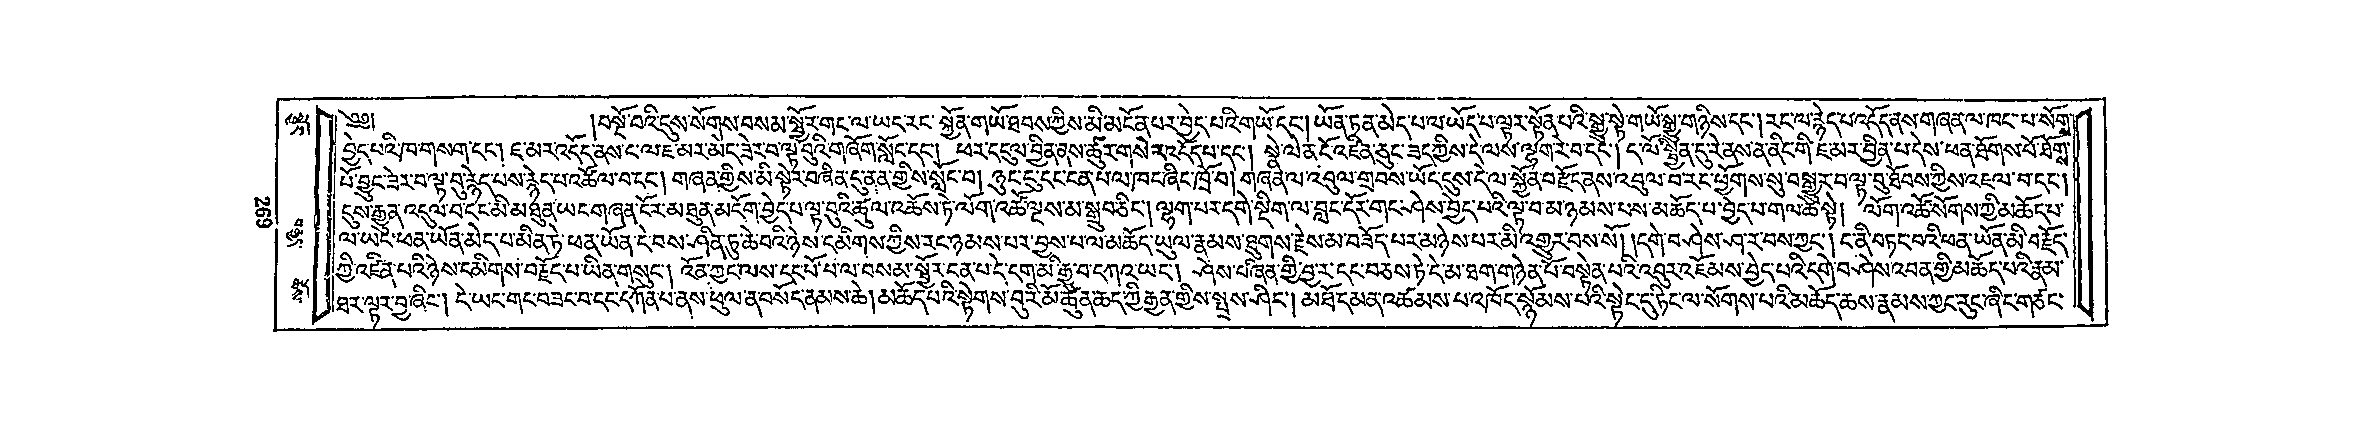༄༅། །བསྔོ་བའི་དུས་སོགས་བསམ་སྦྱོར་གང་ལ་ཡང་རང་སྐྱོན་གཡོ་ཐབས་ཀྱིས་མི་མངོན་པར་བྱེད་པའི་གཡོ་དང་། ཡོན་ཏན་མེད་པ་ལ་ཡོད་པ་ལྟར་སྟོན་པའི་སྒྱུ་སྟེ་གཡོ་སྒྱུ་གཉིས་དང་། རང་ལ་རྙེད་པ་འདོད་ནས་གཞན་ལ་ཁང་པ་སོགས་
བྱེད་པའི་ཁ་གསག་དང་། ཇ་མར་འདོད་ནས་ང་ལ་ཇ་མར་མེད་ཟེར་བ་ལྟ་བུའི་གཞོག་སློང་དང་། ཕར་དངུལ་བྱིན་ནས་ཚུར་གསེར་འདོད་པ་དང་། སྣེ་ལེན་ངོ་འཛིན་ཅུང་ཟད་ཀྱིས་དེ་ལས་ལྷག་རེ་བ་དང་། ད་ལོ་སྦྱིན་དུ་རེ་ནས་ན་ནིང་གི་ཇ་མར་བྱིན་པ་དེས་ཕན་ཐོགས་པོ་ཐོགས་
པོ་བྱུང་ཟེར་བ་ལྟ་བུ་རྙེད་པས་རྙེད་པ་འཚོལ་བ་དང་། གཞན་གྱིས་མི་སྟེར་བཞིན་དུ་ནན་གྱིས་སློང་བ། ཉུང་ངུ་དང་ངན་པ་ལ་ཁང་ཞིང་ཁྲོ་བ། གཞན་ལ་འབུལ་གྲབས་ཡོད་དུས་དེ་ལ་སྐྱོན་བརྗོད་ནས་འབུལ་བ་རང་ཕྱོགས་སུ་བསྒྱུར་བ་ལྟ་བུ་ཐོབས་ཀྱིས་འཇལ་བ་དང་།
དུས་རྒྱུན་འདུལ་བ་དང་མི་མཐུན་ཡང་གཞན་ངོར་མཐུན་མདོག་བྱེད་པ་ལྟ་བུའི་ཚུལ་འཆོས་ཏེ་ལོག་འཚོ་ལྔས་མ་སྒྲུབ་ཅིང་། ལྷག་པར་དགེ་སྡིག་ལ་བླང་དོར་གང་ཤེས་བྱེད་པའི་ལྟ་བ་མ་ཉམས་པས་མཆོད་པ་བྱེད་པ་གལ་ཆེ་སྟེ། ལོག་འཚོ་སོགས་ཀྱི་མཆོད་པ་
ལ་ཡང་ཕན་ཡོན་མེད་པ་མིན་ཏེ་ཕན་ཡོན་དེ་བས་ཤིན་ཏུ་ཆེ་བའི་ཉེས་དམིགས་ཀྱིས་རང་ཉམས་པར་བྱས་པ་ལ་མཆོད་ཡུལ་རྣམས་ཐུགས་རྗེས་མ་བཟོད་པར་མཉེས་པར་མི་འགྱུར་བས་སོ། །དགེ་བཤེས་ཤ་ར་བས་ཀྱང་། ང་ནི་བཏང་བའི་ཕན་ཡོན་མི་བརྗོད་
ཀྱི་འཛིན་པའི་ཉེས་དམིགས་བརྗོད་པ་ཡིན་གསུང་། འོན་ཀྱང་ལས་དང་པོ་པ་ལ་བསམ་སྦྱོར་ངན་པ་དེ་དག་མི་རྒྱུ་བ་དཀའ་ཡང་། ཤེས་བཞིན་གྱི་བྱ་ར་དང་བཅས་ཏེ་དེ་མ་ཐག་གཉེན་པོ་བསྟེན་པའི་འབུར་འཇོམས་བྱེད་པའི་དགེ་བཤེས་འབན་གྱི་མཆོད་པའི་རྣམ་
ཐར་ལྟར་བྱ་ཞིང་། དེ་ཡང་གང་བཟང་བ་དང་དཀོན་པ་ནས་ཕུལ་ན་བསོད་ནམས་ཆེ། མཆོད་པའི་སྟེགས་བུ་རི་མོ་ཚུན་ཆད་ཀྱི་རྒྱན་གྱིས་སྤྲས་ཤིང་། མཐོ་དམན་འཚམས་པ་འཁོད་སྙོམས་པའི་སྟེང་དུ་ཏིང་ལ་སོགས་པའི་མཆོད་ཆས་རྣམས་ཀྱང་རུང་ཞིང་གཙང་